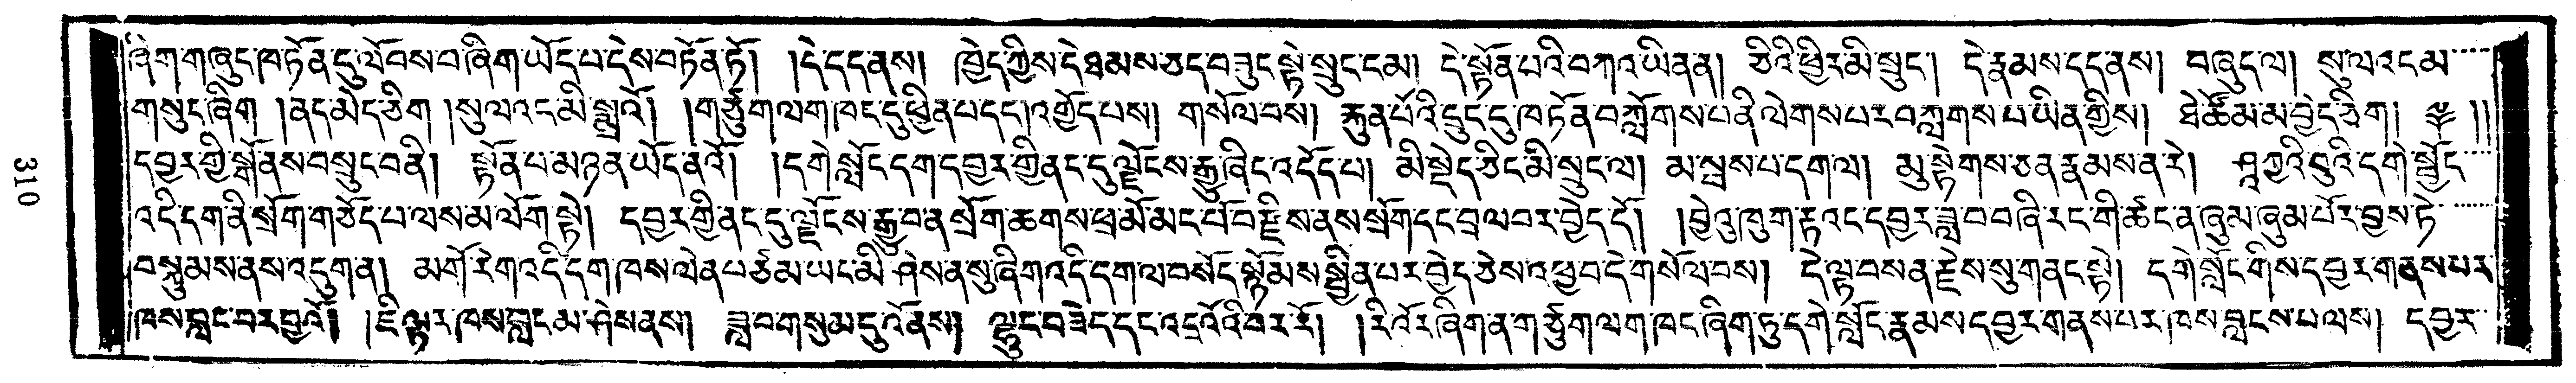ཞིག་གཞུང་ཁ་ཏོན་དུ་ལོབས་བ་ཞིག་ཡོད་པ་དེས་བཏོན་ཏོ། །དེ་དད་ནས། ཁྱེད་ཀྱིས་དེ་ཐམས་ཅད་བཟུང་སྟེ་སྲུང་ངམ། དེ་སྟོན་པའི་བཀའ་ཡིན་ན། ཅིའི་ཕྱིར་མི་སྲུང་། དེ་རྣམས་དད་ནས། བཞུད་ལ། སུ་ལའང་མ་
གསུང་ཞིག །ནད་མེད་ཅིག །སུའང་མི་སྨྲའོ། །གཙུག་ལག་ཁང་དུ་ཕྱིན་པ་དང་། འགྱོད་པས། གསོལ་བས། རྐུན་པའི་དྲུང་དུ་ཁ་ཏོན་བཀློགས་པ་ནི་ལེགས་པར་བཀླགས་པ་ཡིན་གྱིས། ཐེ་ཚོམ་མ་བྱེད་ཅིག། ༈ །
དབྱར་གྱི་སྒོ་ནས་བསྲུང་བ་ནི། སྟོན་པ་མཉན་ཡོད་ནའོ། །དགེ་སློང་དག་དབྱར་གྱི་ནང་དུ་ལྗོངས་རྒྱུ་ཞིང་འདོད་པ། མི་སྡེད་ཅིང་མི་སྲུང་ལ། མ་སྦས་པ་དག་ལ། མུ་སྟེགས་ཅན་རྣམས་ན་རེ། ཤཱཀྱའི་བུའི་དགེ་སྦྱོང་
འདི་དག་ནི་སྲོག་གཅོད་པ་ལས་མ་ལོག་སྟེ། དབྱར་གྱི་ནང་དུ་ལྗོངས་རྒྱུ་བ་ན་སྲོག་ཆགས་ཕྲ་མོ་མང་པོ་བརྫིས་ནས་སྲོག་དང་བྲལ་བར་བྱེད་དོ། །བྱེའུ་ཁུག་རྟའང་དབྱར་ཟླ་བ་བཞི་རང་གི་ཚང་ན་ཞུམ་ཞུམ་པོར་བྱས་ཏེ་
བསྐུམས་ནས་འདུག་ན། མགོ་རེག་འདི་དག་ཁས་ལེན་པ་ཙམ་ཡང་མི་ཤེས་ན་སུ་ཞིག་འདི་དག་ལ་བསོད་སྙོམས་སྦྱིན་པར་བྱེད་ཅེས་འཕྱ་བ་དེ་གསོལ་བས། དེ་ལྟ་བས་ན་རྗེས་སུ་གནང་སྟེ། དགེ་སློང་གིས་དབྱར་གནས་པར་
ཁས་བླང་བར་བྱའོ། །ཇི་ལྟར་ཁས་བླང་མ་ཤེས་ནས། ཟླ་བ་གསུམ་དུ་འོ་ནས། ལྷུང་བཟེད་དང་འདྲའོའི་བར་རོ། །རི་འོར་ཞིག་ན་གཙུག་ལག་ཁང་ཞིག་ཏུ་དགེ་སློང་རྣམས་དབྱར་གནས་པར་ཁས་བླངས་པ་ལས། དབྱད་